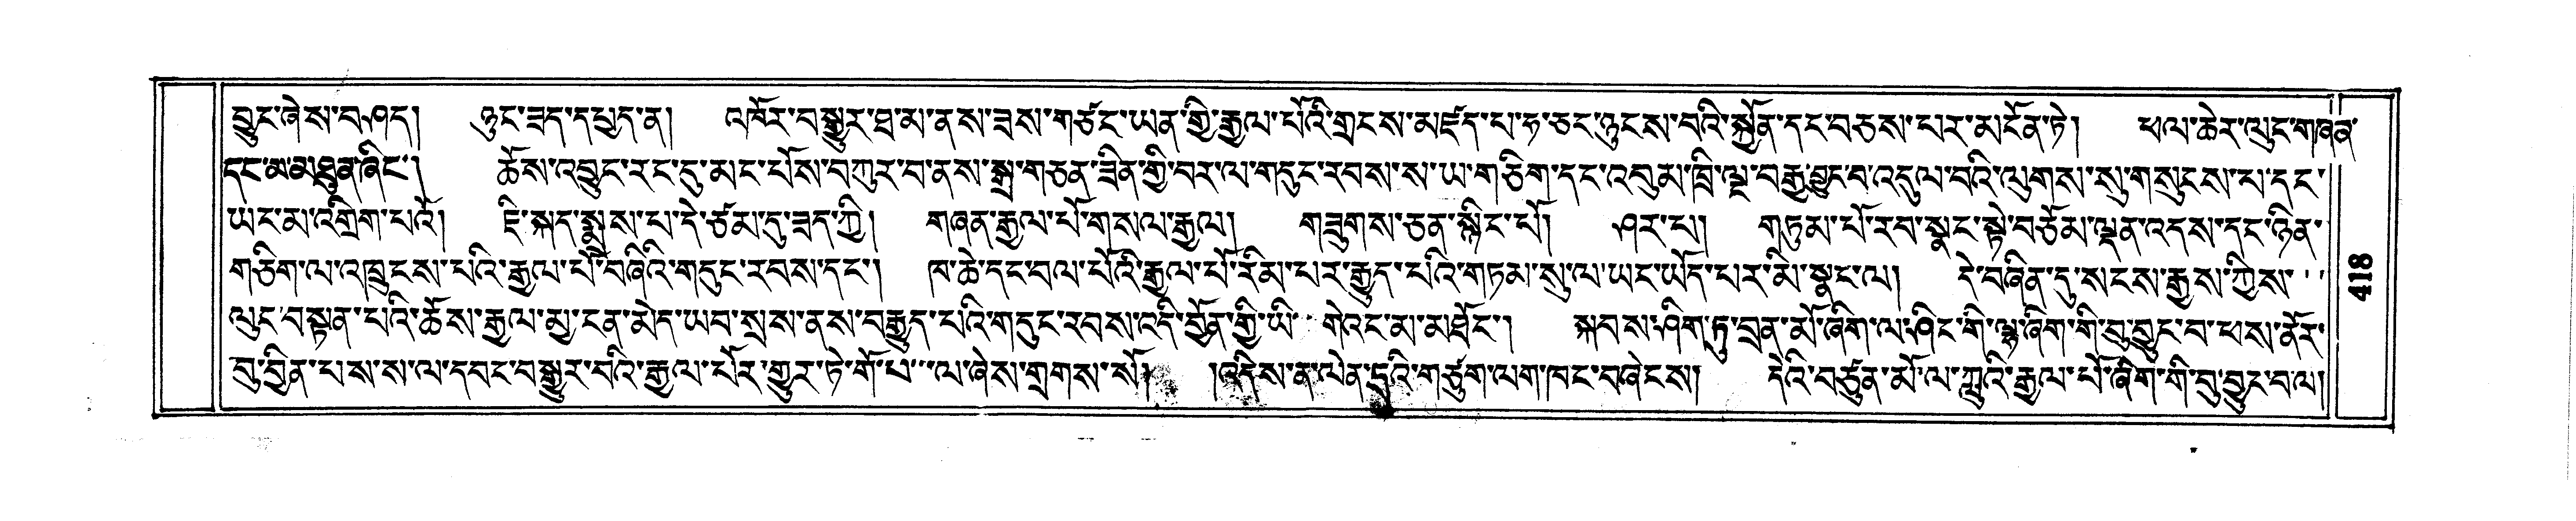བྱུང་ཞེས་བཤད། ཉུང་ཟད་དཔྱད་ན། འཁོར་བསྒྱུར་ཐ་མ་ནས་ཟས་གཙང་ཡན་གྱི་རྒྱལ་པོའི་གྲངས་མཛད་པ་ཧ་ཅང་ཉུངས་པའི་སྐྱོན་དང་བཅས་པར་མངོན་ཏེ། ཕལ་ཆེར་ལུང་གཞན་
དང་མ་མཐུན་ཞིང་། ཆོས་འབྱུང་རང་དུ་མང་པོས་བཀུར་བ་ནས་སྒྲ་གཅན་ཟིན་གྱི་བར་ལ་གདུང་རབས་ས་ཡ་གཅིག་དང་འབུམ་ཁྲི་ལྔ་བརྒྱ་བྱུང་བ་འདུལ་བའི་ལུགས་སུ་གསུངས་པ་དང་
ཡང་མ་འགྲིག་པའོ། ཇི་སྐད་སྨྲས་པ་དེ་ཙམ་དུ་ཟད་ཀྱི། གཞན་རྒྱལ་པོ་གསལ་རྒྱལ། གཟུགས་ཅན་སྙིང་པོ། ཤར་པ། གཏུམ་པོ་རབ་སྣང་སྟེ་བཅོམ་ལྡན་འདས་དང་ཉིན་
གཅིག་ལ་འཁྲུངས་པའི་རྒྱལ་པོ་བཞིའི་གདུང་རབས་དང་། ཁ་ཆེ་དང་བལ་པོའི་རྒྱལ་པོ་རིམ་པར་རྒྱུད་པའི་གཏམ་སུ་ལ་ཡང་ཡོད་པར་མི་སྣང་ལ། དེ་བཞིན་དུ་སངས་རྒྱས་ཀྱིས་
ལུང་བསྟན་པའི་ཆོས་རྒྱལ་མྱ་ངན་མེད་ཡབ་སྲས་ནས་བརྒྱུད་པའི་གདུང་རབས་འདི་བྱོན་གྱི་ཡི་གེའང་མ་མཐོང་། སྐབས་ཤིག་ཏུ་བྲན་མོ་ཞིག་ལ་ཤིང་གི་ལྷ་ཞིག་གི་བུ་བྱུང་བ་ཕས་ནོར་
བུ་བྱིན་པས་ས་ལ་དབང་བསྒྱུར་བའི་རྒྱལ་པོར་གྱུར་ཏེ་གོ་པ་ལ་ཞེས་གྲགས་སོ། །འདིས་ན་ལེན་དྲའི་གཙུག་ལག་ཁང་བཞེངས། དེའི་བཙུན་མོ་ལ་ཀླུའི་རྒྱལ་པོ་ཞིག་གི་བུ་བྱུང་བ་ལ།